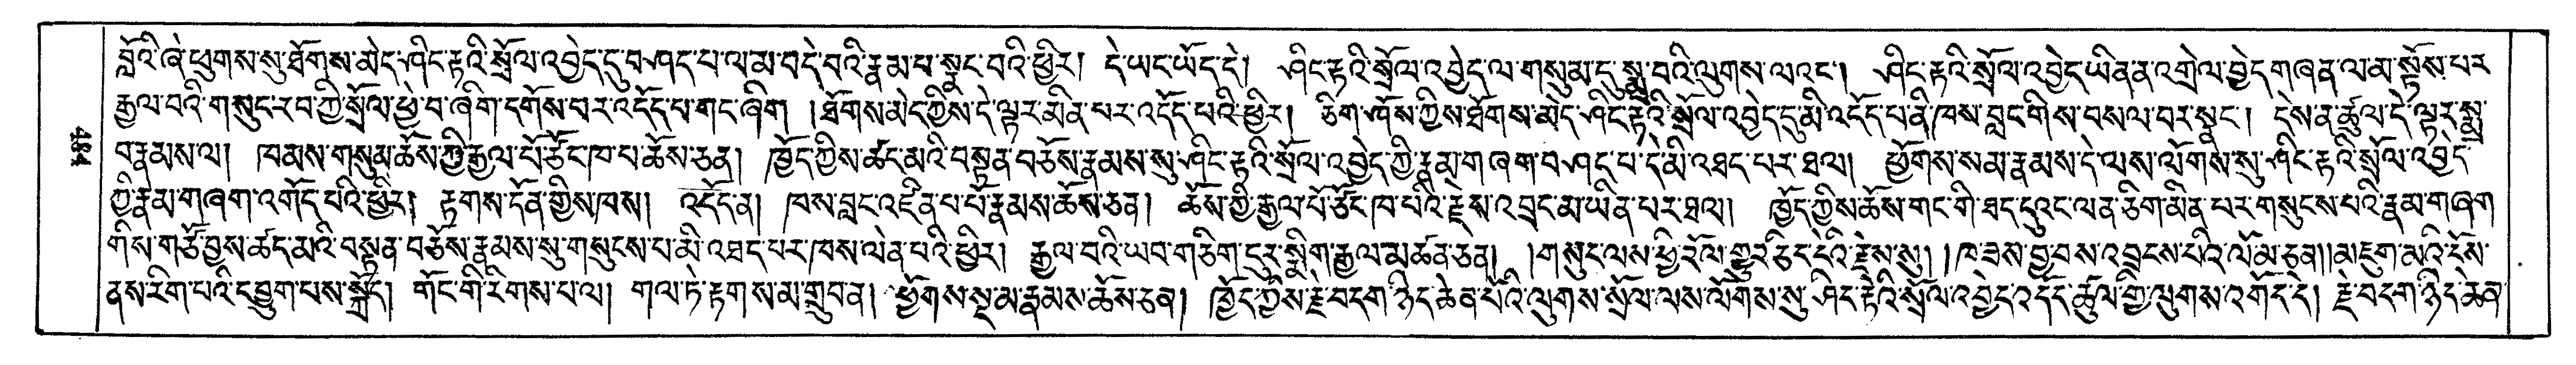བློའི་ཞ་ཕུགས་སུ་ཐོགས་མེད་ཤིང་རྟའི་སྲོལ་འབྱེད་དུ་བཤད་པ་ལམ་བདེ་བའི་རྣམ་པ་སྣང་བའི་ཕྱིར། དེ་ཡང་ཡོད་དེ། ཤིང་རྟའི་སྲོལ་འབྱེད་ལ་གསུམ་དུ་སྨྲ་བའི་ལུགས་ལའང་། ཤིང་རྟའི་སྲོལ་འབྱེད་ཡིན་ན་འགྲེལ་བྱེད་གཞན་ལ་མ་ལྟོས་པར་
རྒྱལ་བའི་གསུང་རབ་ཀྱི་སྲོལ་ཕྱེ་བ་ཞིག་དགོས་པར་འདོད་པ་གང་ཞིག །ཐོགས་མེད་ཀྱིས་དེ་ལྟར་མིན་པར་འདོད་པའི་ཕྱིར། ཅིག་ཤོས་ཀྱིས་ཐོགས་མེད་ཤིང་རྟའི་སྲོལ་འབྱེད་དུ་མི་འདོད་པ་ནི་ཁས་བླང་གིས་བསལ་བར་སྣང་། དེས་ན་ཚུལ་དེ་ལྟར་སྨྲ་
བ་རྣམས་ལ། ཁམས་གསུམ་ཆོས་ཀྱི་རྒྱལ་པོ་ཙོང་ཁ་པ་ཆོས་ཅན། ཁྱོད་ཀྱིས་ཚད་མའི་བསྟན་བཅོས་རྣམས་སུ་ཤིང་རྟའི་སྲོལ་འབྱེད་ཀྱི་རྣམ་གཞག་བཤད་པ་དེ་མི་འཐད་པར་ཐལ། ཕྱོགས་སྔ་མ་རྣམས་དེ་ལས་ལོགས་སུ་ཤིང་རྟའི་སྲོལ་འབྱེད་
ཀྱི་རྣམ་གཞག་འགོད་པའི་ཕྱིར། རྟགས་དོན་གྱིས་ཁས། འདོད་ན། ཁས་བླང་འཛིན་པ་པོ་རྣམས་ཆོས་ཅན། ཆོས་ཀྱི་རྒྱལ་པོ་ཙོང་ཁ་པའི་རྗེས་འབྲང་མ་ཡིན་པར་ཐལ། ཁྱོད་ཀྱིས་ཆོས་གང་གི་ཐད་དུའང་ལན་ཅིག་མིན་པར་གསུངས་པའི་རྣམ་གཞག་
གིས་གཙོ་བྱས་ཚད་མའི་བསྟན་བཅོས་རྣམས་སུ་གསུངས་པ་མི་འཐད་པར་ཁས་ལེན་པའི་ཕྱིར། རྒྱལ་བའི་ཡབ་གཅིག་དུར་སྨྲིག་རྒྱལ་མཚན་ཅན། །གསུང་ལས་ཕྱི་རོལ་གྱུར་ཅིང་དེའི་རྗེས་སུ། །ཁ་ཟས་བྱ་བས་འབྲངས་པའི་ལོ་མ་ཅན། །མཇུག་མའི་ངོས་
ནས་རིག་པའི་དབྱུག་པས་སྐྲོད། གོང་གི་རིགས་པ་ལ། གལ་ཏེ་རྟགས་མ་གྲུབ་ན། ཕྱོགས་སྔ་མ་རྣམས་ཆོས་ཅན། ཁྱོད་ཀྱིས་རྗེ་བདག་ཉིད་ཆེན་པོའི་ལུགས་སྲོལ་ལས་ལོགས་སུ་ཤིང་རྟའི་སྲོལ་འབྱེད་འདོད་ཚུལ་གྱི་ལུགས་འགོད་དེ། རྗེ་བདག་ཉིད་ཆེན་